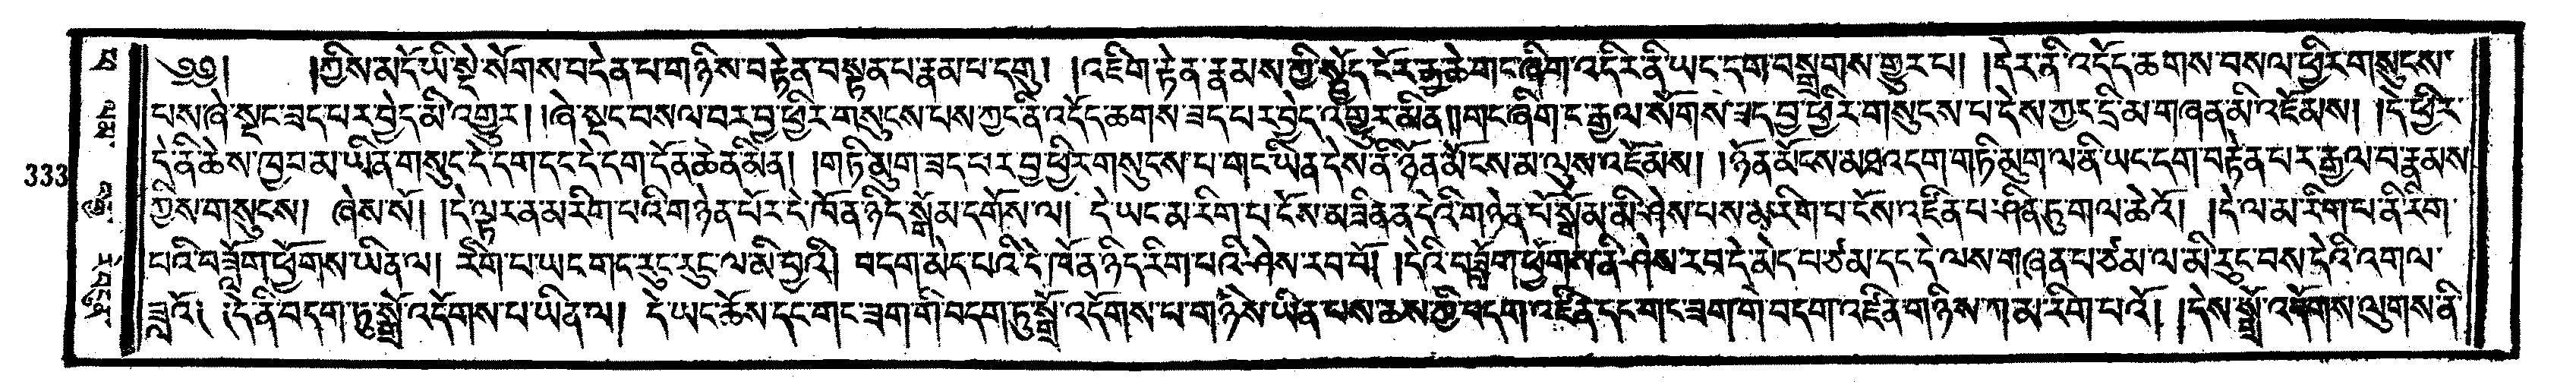༄༅། །ཀྱིས་མོད་ཡི་སྡེ་སོགས་བདེན་པ་གཉིས་བརྟེན་བསྟན་པ་རྣམ་པ་དགུ། །འཇིག་རྟེན་རྣམས་ཀྱི་སྤྱོད་ངོར་རྒྱ་ཆེ་གང་ཞིག་འདིར་ནི་ཡང་དག་བསྒྲགས་གྱུར་པ། དེར་ནི་འདོད་ཆགས་བསལ་ཕྱིར་གསུངས་
པས་ཞེ་སྡང་ཟབ་པར་བྱེད་མི་འགྱུར། །ཞེ་སྡང་བསལ་བར་བྱ་ཕྱིར་གསུངས་པས་ཀྱང་ནི་འདོད་ཆགས་ཟད་པར་བྱེད་འགྱུར་མིན། །གང་ཞིག་ང་རྒྱལ་སོགས་ཟད་བྱ་ཕྱིར་གསུངས་པ་དེས་ཀྱང་དྲི་མ་གཞན་མི་འཇོམས། །དེ་ཕྱིར་
དེ་ནི་ཆེས་ཁྱབ་མ་ཡིན་གསུང་དེ་དག་དང་དེ་དག་དོན་ཆེན་མིན། །གཏི་མུག་ཟད་པར་བྱ་ཕྱིར་གསུངས་པ་གང་ཡིན་དེས་ནི་ཉོན་མོངས་མ་ལུས་འཇོམས། །ཉོན་མོངས་མཐའ་དག་གཏི་མུག་ལ་ནི་ཡང་དག་བརྟེན་པར་རྒྱལ་བ་རྣམས་
ཀྱིས་གསུངས། ཞེས་སོ། །དེ་ལྟར་ན་མ་རིག་པའི་གཉེན་པོར་དེ་ཁོ་ན་ཉིད་སྒོམ་དགོས་ལ། དེ་ཡང་མ་རིག་པ་ངོས་མ་ཟིན་ན་དེའི་གཉེན་པོ་སྒོམ་མི་ཤེས་པས་མ་རིག་པ་ངོས་འཛིན་པ་ཤིན་ཏུ་གལ་ཆེའོ། །དེ་ལ་མ་རིག་པ་ནི་རིག་
པའི་བཟློག་ཕྱོགས་ཡིན་ལ། རིག་པ་ཡང་གང་རུང་རུང་ལ་མི་བྱའི། བདག་མེད་པའི་དེ་ཁོ་ན་ཉིད་རིག་པའི་ཤེས་རབ་བོ། །དེའི་བཟློག་ཕྱོགས་ནི་ཤེས་རབ་དེ་མེད་པ་ཙམ་དང་དེ་ལས་གཞན་པ་ཙམ་ལ་མི་རུང་བས་དེའི་འགལ་
ཟླའོ༑ ༑དེ་ནི་བདག་ཏུ་སྒྲོ་འདོགས་པ་ཡིན་ལ། དེ་ཡང་ཆོས་དང་གང་ཟག་གི་བདག་ཏུ་སྒྲོ་འདོགས་པ་གཉིས་ཡིན་པས་ཆས་ཀྱི་བདག་འཛིན་དང་གང་ཟག་གེ་བདག་འཛིན་གཉིས་ཀ་མ་རིག་པའོ། །དེས་སྒྲ་འདོགས་ལུགས་ནི་